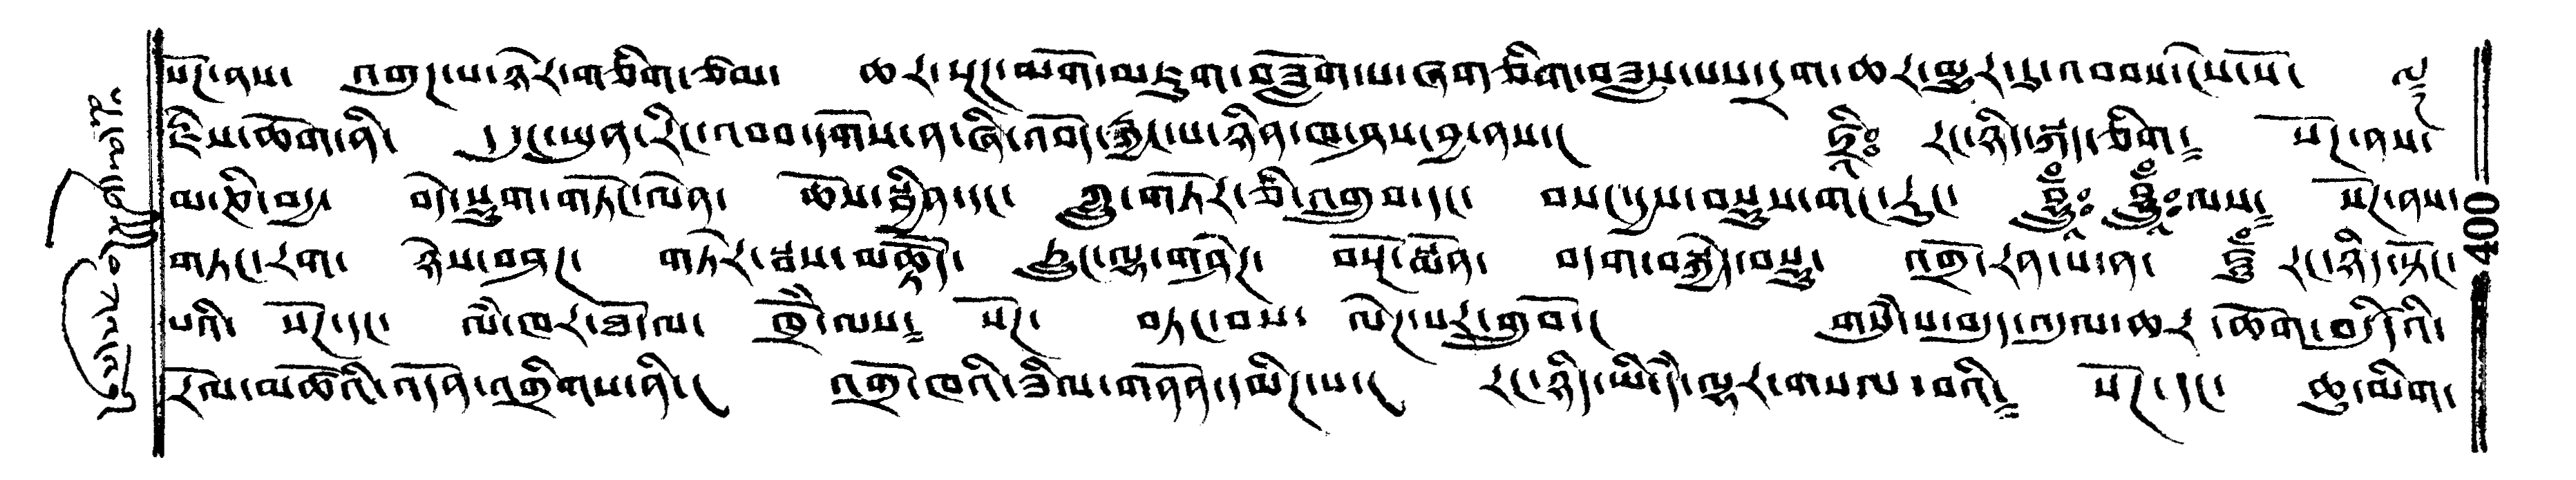སོགས་ནས། འགུགས་པ་ཉེར་གཅིག་ཙམ། ཆར་སྔགས་མགོ་མཇུག་ལྡོག་པ་ཞག་གཅིག་བཟླས་པས་དྲག་ཆར་མྱུར་དུ་འབབ་ངེས་སོ། ༈ 
རྗེས་ཆོག་ནི། ད་དུང་ཡུན་རིང་འབབ་དགོས་ན་ཞི་འབོད་རྐྱང་པ་ཉིན་ཁ་ཤས་བྱས་ནས། ཧྲཱིཿ རང་ཉིད་སྐད་ཅིག༴ སོགས་ནས་
མ་ཎི་བརྒྱ། བདེ་སྡུག་གཏོང་ལེན། ཆོས་སྦྱིན་དང་། ཀླུ་གཏོར་ཅི་འགྲུབ་དང་། བསང་རྒྱས་བསྡུས་གང་རུང་། བྷྲཱུྃཿབྷྲཱུྃ་ལས༴ སོགས་ནས་
གཏང་རག ཉེས་བཤགས། གཏེར་སྦས། མཆོད་བསྟོད། རླུང་ལྷ་གཤེགས། བསྔོ་སྨོན། བདག་བསྐྱེད་བསྡུ། འགྲོ་རན་པ་ན། ཧཱུྃ། རང་ཉིད་སྟོང་
པའི༴ སོགས་དང་། ལམ་ཁར་ཐོ་ལ། ཁྲོཾ་ལས༴ སོགས་བཏང་བས་ལེགས་པར་གྲུབ་བོ། གསུམ་པ་བདུད་འདུལ་ཆར་ཆོག་བདུད་རྩིའི་
རོལ་མཚོའི་འདོན་འགྲིགས་ནི། འགྲོ་ཁའི་ཟིལ་གནོན་དམིགས་པ། རང་ཉིད་ཡི་དམ་ལྷར་གསལ་བའི༴ སོགས་དང་། ཆུ་མིག་